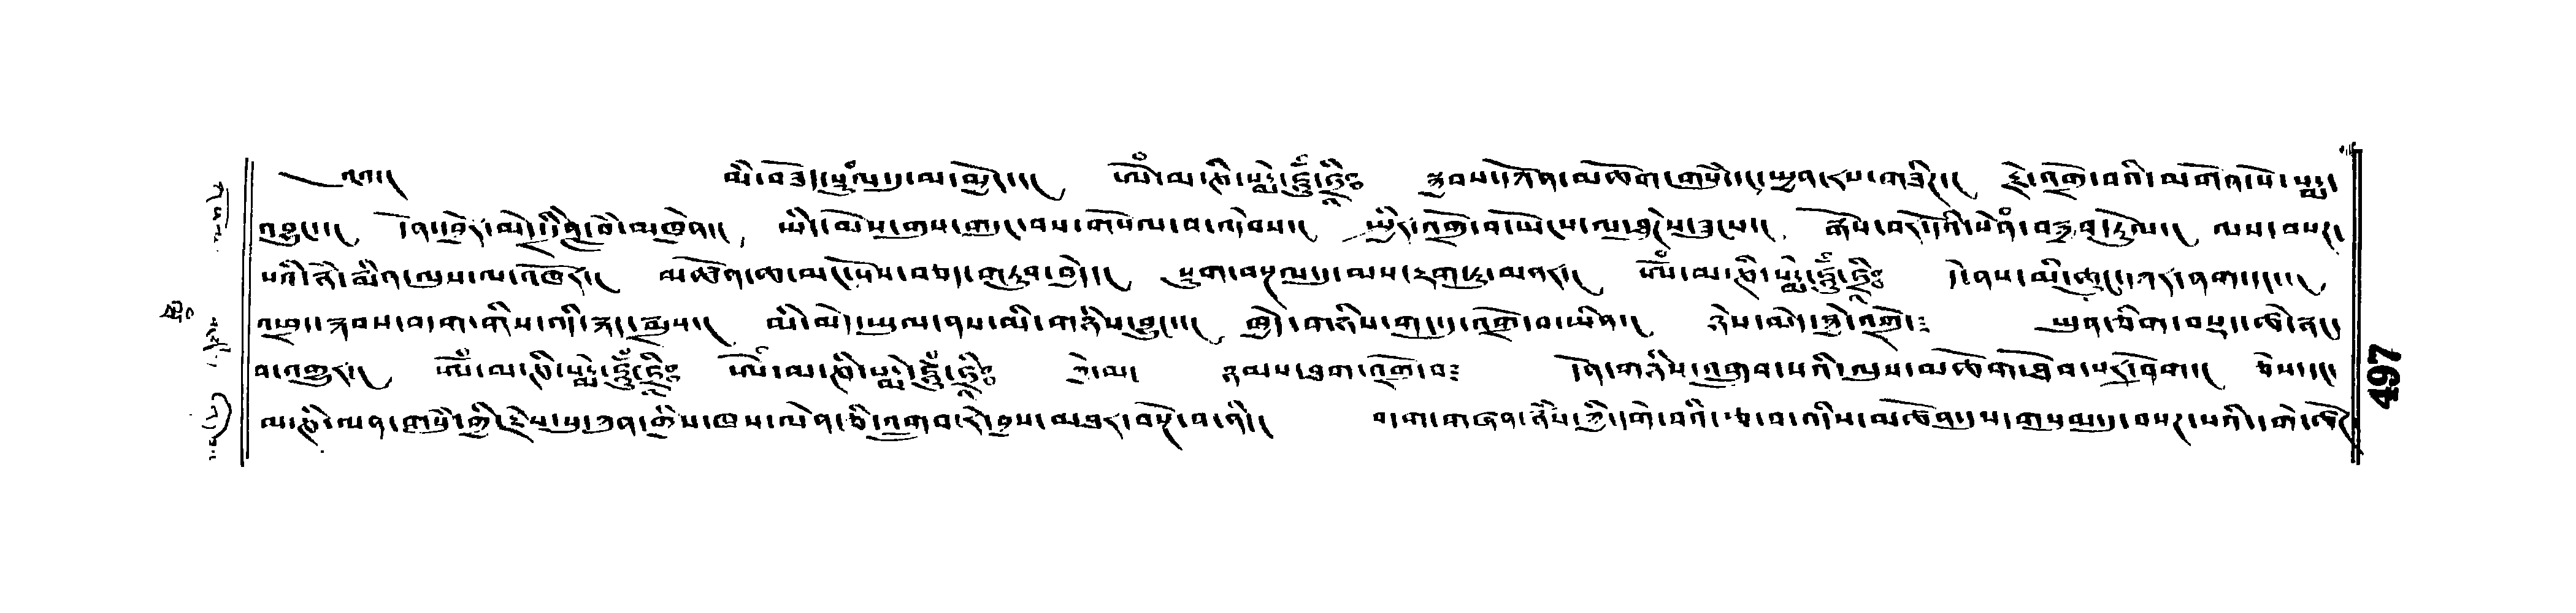།མི་བཟོད་སྡུག་བསྔལ་དུ་མ་མྱོང་། ཨོཾ་མ་ཎི་པདྨེ་ཧཱུྃ་ཧྲཱིཿ སྐྱབས་དཀོན་མཆོག་གསུམ་དང་སྤྱན་རས་གཟིགས། །རྗེ་འགྲོ་བའི་མགོན་པོ་པདྨ་
འབྱུང་། །དོན་དབྱོར་མེད་དྲིན་ཆེན་བླ་མ་མཁྱེན། །ཡིད་མོས་གུས་གདུང་བས་གསོལ་བ་འདེབས། །སྤྱིར་འགྲོ་བ་ཡོངས་ལ་ཐུགས་རྗེས་ཟུངས། །སྒོས་བར་དོའི་སེམས་ཅན་བསྐྱབ་ཏུ་གསོལ། །ལས་བསགས་
པའི་རྣམ་སྨིན་ལུས་ལ་འཁོར། །མཚོན་ཆ་མང་པོས་བཅད་གཏུབ་བྱེད། །སྡུག་བསྔལ་དུ་མས་རྟག་ཏུ་མནར། ཨོཾ་མ་ཎི་པདྨེ་ཧཱུྃ་ཧྲཱིཿ དེ་ནས་མི་ཆུང་དཀར་ནག་དང་། །
འཕྲད་སྐབས་བདག་གིས་འདི་སྐད་སྨྲས། མི་མེད་ཡུལ་ནས་མི་གཉིས་བྱུང་། ཁྱེད་གཉིས་གང་དུ་འགྲོ་བ་ཡིན། །ཉེས་མེད་སྐྱེ་འགྲོ་མཚམས་འདི་ནས་ཅུང་ཟད་ཆད་དམ་སྙམ། ཡུན་ཅིག་བསྡད་ཚེ་སྣང་
བ་འགྱུར། ཨོཾ་མ་ཎི་པདྨེ་ཧཱུྃ་ཧྲཱིཿ ཨོཾ་མ་ཎི་པདྨེ་ཧཱུྃ་ཧྲཱིཿ ཀྱེ་མ། ཉམས་ཐག་འགྲོ་བ་འདི་ནས་ཀྱང་ཅུང་ཟད་ཆད་དམ་སྙམ། དོན་གཉིས་འགྲུབ་པའི་ལུས་མཆོག་ཐོབ་པར་ཤོག ཅེས་དང་
མ་ཎི་ལན་གསུམ་གྱི་རྗེས་སུ་ཀུན་གྱིས་ཁས་ལེན་ཅི་འགྲུབ་རེ་བྱས་མཐར་བསྔོ་བ་ནི། བདག་གཞན་རྣམས་ཀྱི་དགེ་བའི་རྩ་བ་འདིས་མཚོན་དུས་གསུམ་དུ་བསགས་པའི་དགེ་ཚོགས་